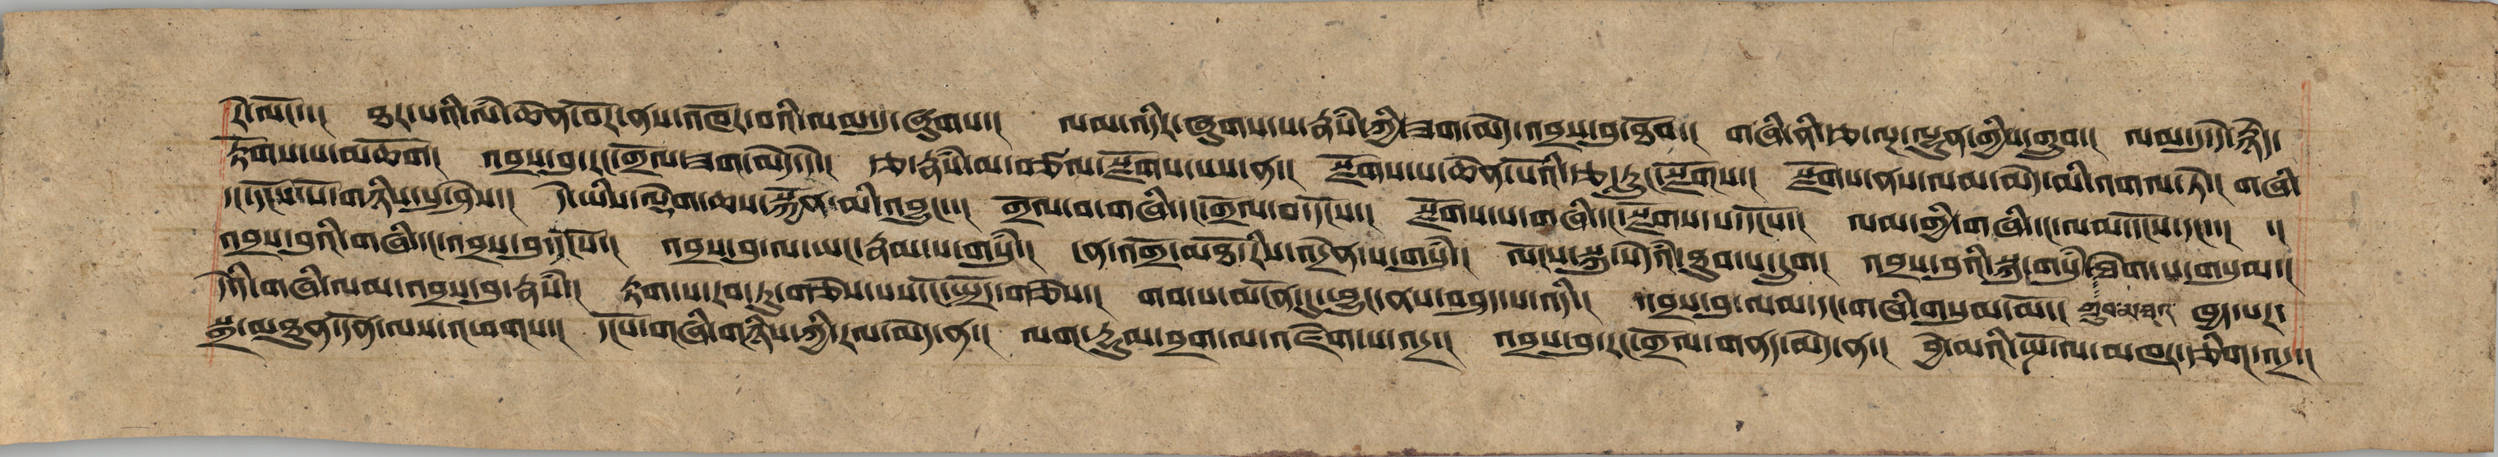རེ་མོང་་། ཐར་པའི་ལཾ་ཆེན་བོར་ནས་འཁོར་བའི་ལམ་དུ་ཞུགས་། ལམ་འདིར་ཞུགས་པ་རྣཾས་ཀྱི་ཟག་མེད་འབྲས་བུ་ཐོབ་། གཞི་ནི་རྩ་ལྔ་ལྷུན་གིས་གྲུབ་། ལམ་དུ་དེ་རྙེད་
རྟོགས་པ་མཆོག། འབྲས་བུ་རང་གྲོལ་ཟག་མེད་དེ་། རྩ་རྣཾས་མ་བཙལ་སྫོགས་པས་ན་། སྫོགས་པ་ཆེན་པོའི་རྩ་རླུང་སྫོགས་། སྫོགས་ནས་ལམ་མེད་མི་འགལ་ཏེ་། གཞི་
དང་དངོས་པོ་གཉིས་སུ་ཤེས་། དེ་ཡིས་ལྡེག་ཆས་སྐྱོན་མི་འབྱུང་་། གྲོལ་བ་གཞི་དང་གྲོལ་བ་དངོས་། སྫོགས་པ་གཞི་དང་སྫོགས་པ་དངོས་། ལམ་གྱི་གཞི་དང་ལམ་དངོས་དང་་། ་།
འབྲས་བུའི་གཞི་དང་འབྲས་བུ་དངོས་། འབྲས་བུ་ལ་ཡང་རྣམ་པ་གསུཾ་། ངན་འགྲོ་མཐོ་རིས་འདྲེན་པ་གསུཾ་། ལོངས་སྐུ་སེཾདའ་ཐུབ་པ་དྲུག། འབྲས་བུའི་སྐུ་གསུཾ་ཐེག་པ་གསུམ་།
དེའི་གཞི་ལམ་འབྲས་བུ་རྣཾས་། རྟག་པ་རབ་ཏུ་གཅེས་པས་ངོ་སྤྲོད་གཅེས་། གབ་པ་མངོན་དུ་ཕྱུང་ནས་བཤད་པ་འདི་། འབྲས་བུ་ལམ་དང་གཞི་གསུམ་མོ་། གྲུབ་མཐའ་ཁྱད་པར་
སྒྲ་མཐུན་དོན་ལས་འཕགས་། དངོས་གཞི་གཉིས་ཀྱི་རལ་མེད་ན་། ལག་རྡུམ་བྲག་ལ་འཛེག་པ་འདྲ་། འབྲས་བུ་རང་གྲོལ་གནད་མེད་ན་། བྱེ་མའི་སྤོ་ལ་མཁར་རྩིག་འདྲ་།